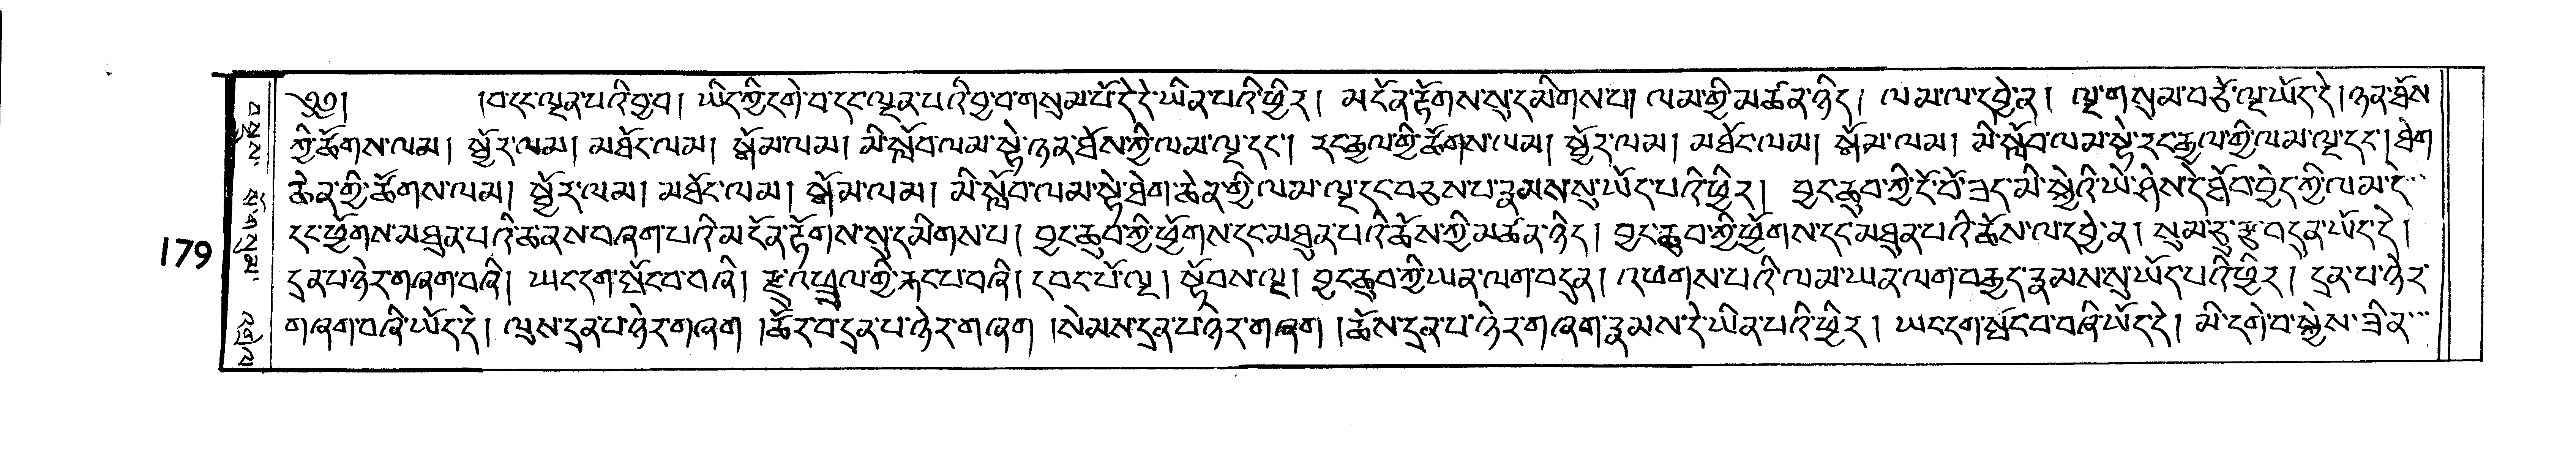༄༅། །བ་དང་ལྡན་པའི་བྱ་བ། ཡིད་ཀྱི་དགེ་བ་དང་ལྡན་པའི་བྱ་བ་གསུམ་པོ་དེ་དེ་ཡིན་པའི་ཕྱིར། མངོན་རྟོགས་སུ་དམིགས་པ། ལམ་གྱི་མཚན་ཉིད། ལམ་ལ་དབྱེ་ན། ལྔ་གསུམ་བཅོ་ལྔ་ཡོད་དེ། ཉན་ཐོས་
ཀྱི་ཚོགས་ལམ། སྦྱོར་ལམ། མཐོང་ལམ། སྒོམ་ལམ། མི་སློབ་ལམ་སྟེ་ཉན་ཐོས་ཀྱི་ལམ་ལྔ་དང་། རང་རྒྱལ་གྱི་ཚོགས་ལམ། སྦྱོར་ལམ། མཐོང་ལམ། སྒོམ་ལམ། མི་སློབ་ལམ་སྟེ་རང་རྒྱལ་གྱི་ལམ་ལྔ་དང་། ཐེག་
ཆེན་གྱི་ཚོགས་ལམ། སྦྱོར་ལམ། མཐོང་ལམ། སྒོམ་ལམ། མི་སློབ་ལམ་སྟེ་ཐེག་ཆེན་གྱི་ལམ་ལྔ་དང་བཅས་པ་རྣམས་སུ་ཡོད་པའི་ཕྱིར། བྱང་ཆུབ་ཀྱི་ངོ་བོ་ཟད་མི་སྐྱེའི་ཡེ་ཤེས་དེ་ཐོབ་བྱེད་ཀྱི་ལམ་དེ་
དང་ཕྱོགས་མཐུན་པའི་ཆ་ནས་བཞག་པའི་མངོན་རྟོགས་སུ་དམིགས་པ། བྱང་ཆུབ་ཀྱི་ཕྱོགས་དང་མཐུན་པའི་ཆོས་ཀྱི་མཚན་ཉིད། བྱང་ཆུབ་ཀྱི་ཕྱོགས་དང་མཐུན་པའི་ཆོས་ལ་དབྱེ་ན། སུམ་ཅུ་རྩ་བདུན་ཡོད་དེ།
དྲན་པ་ཉེར་གཞག་བཞི། ཡང་དག་སྤོང་བ་བཞི། རྫུ་འཕྲུལ་གྱི་རྐང་པ་བཞི། དབང་པོ་ལྔ། སྟོབས་ལྔ། བྱང་ཆུབ་ཀྱི་ཡན་ལག་བདུན། འཕགས་པའི་ལམ་ཡན་ལག་བརྒྱད་རྣམས་སུ་ཡོད་པའི་ཕྱིར། དྲན་པ་ཉེར་
གཞག་བཞི་ཡོད་དེ། ལུས་དྲན་པ་ཉེར་གཞག །ཚོར་བ་དྲན་པ་ཉེར་གཞག །སེམས་དྲན་པ་ཉེར་གཞག །ཆོས་དྲན་པ་ཉེར་གཞག་རྣམས་དེ་ཡིན་པའི་ཕྱིར། ཡང་དག་སྤོང་བ་བཞི་ཡོད་དེ། མི་དགེ་བ་སྐྱེས་ཟིན་